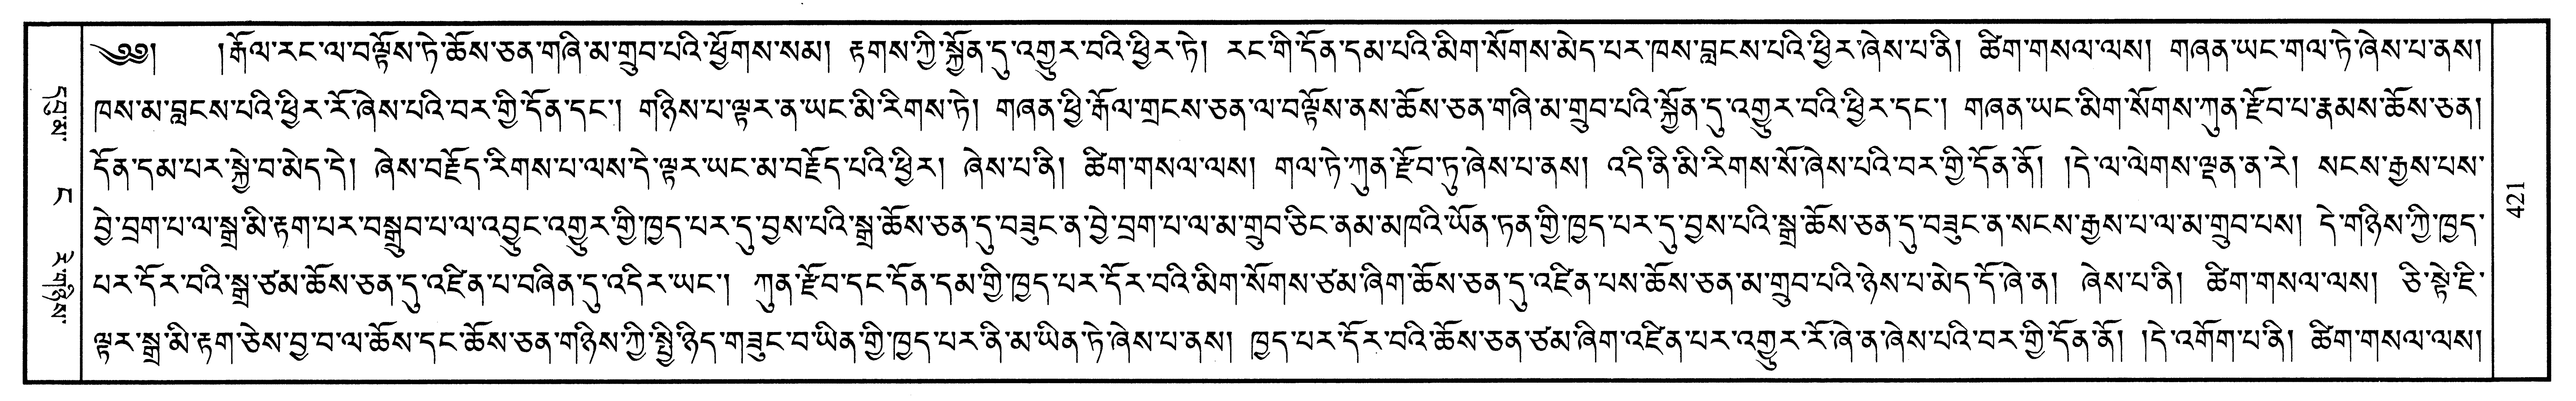༄༅། །རྒོལ་རང་ལ་བལྟོས་ཏེ་ཆོས་ཅན་གཞི་མ་གྲུབ་པའི་ཕྱོགས་སམ། རྟགས་ཀྱི་སྐྱོན་དུ་འགྱུར་བའི་ཕྱིར་ཏེ། རང་གི་དོན་དམ་པའི་མིག་སོགས་མེད་པར་ཁས་བླངས་པའི་ཕྱིར་ཞེས་པ་ནི། ཚིག་གསལ་ལས། གཞན་ཡང་གལ་ཏེ་ཞེས་པ་ནས།
ཁས་མ་བླངས་པའི་ཕྱིར་རོ་ཞེས་པའི་བར་གྱི་དོན་དང་། གཉིས་པ་ལྟར་ན་ཡང་མི་རིགས་ཏེ། གཞན་ཕྱི་རྒོལ་གྲངས་ཅན་ལ་བལྟོས་ནས་ཆོས་ཅན་གཞི་མ་གྲུབ་པའི་སྐྱོན་དུ་འགྱུར་བའི་ཕྱིར་དང་། གཞན་ཡང་མིག་སོགས་ཀུན་རྫོབ་པ་རྣམས་ཆོས་ཅན།
དོན་དམ་པར་སྐྱེ་བ་མེད་དེ། ཞེས་བརྗོད་རིགས་པ་ལས་དེ་ལྟར་ཡང་མ་བརྗོད་པའི་ཕྱིར། ཞེས་པ་ནི། ཚིག་གསལ་ལས། གལ་ཏེ་ཀུན་རྫོབ་ཏུ་ཞེས་པ་ནས། འདི་ནི་མི་རིགས་སོ་ཞེས་པའི་བར་གྱི་དོན་ནོ། །དེ་ལ་ལེགས་ལྡན་ན་རེ། སངས་རྒྱས་པས་
བྱེ་བྲག་པ་ལ་སྒྲ་མི་རྟག་པར་བསྒྲུབ་པ་ལ་འབྱུང་འགྱུར་གྱི་ཁྱད་པར་དུ་བྱས་པའི་སྒྲ་ཆོས་ཅན་དུ་བཟུང་ན་བྱེ་བྲག་པ་ལ་མ་གྲུབ་ཅིང་ནམ་མཁའི་ཡོན་ཏན་གྱི་ཁྱད་པར་དུ་བྱས་པའི་སྒྲ་ཆོས་ཅན་དུ་བཟུང་ན་སངས་རྒྱས་པ་ལ་མ་གྲུབ་པས། དེ་གཉིས་ཀྱི་ཁྱད་
པར་དོར་བའི་སྒྲ་ཙམ་ཆོས་ཅན་དུ་འཛིན་པ་བཞིན་དུ་འདིར་ཡང་། ཀུན་རྫོབ་དང་དོན་དམ་གྱི་ཁྱད་པར་དོར་བའི་མིག་སོགས་ཙམ་ཞིག་ཆོས་ཅན་དུ་འཛིན་པས་ཆོས་ཅན་མ་གྲུབ་པའི་ཉེས་པ་མེད་དོ་ཞེ་ན། ཞེས་པ་ནི། ཚིག་གསལ་ལས། ཅི་སྟེ་ཇི་
ལྟར་སྒྲ་མི་རྟག་ཅེས་བྱ་བ་ལ་ཆོས་དང་ཆོས་ཅན་གཉིས་ཀྱི་སྤྱི་ཉིད་གཟུང་བ་ཡིན་གྱི་ཁྱད་པར་ནི་མ་ཡིན་ཏེ་ཞེས་པ་ནས། ཁྱད་པར་དོར་བའི་ཆོས་ཅན་ཙམ་ཞིག་འཛིན་པར་འགྱུར་རོ་ཞེ་ན་ཞེས་པའི་བར་གྱི་དོན་ནོ། །དེ་འགོག་པ་ནི། ཚིག་གསལ་ལས།